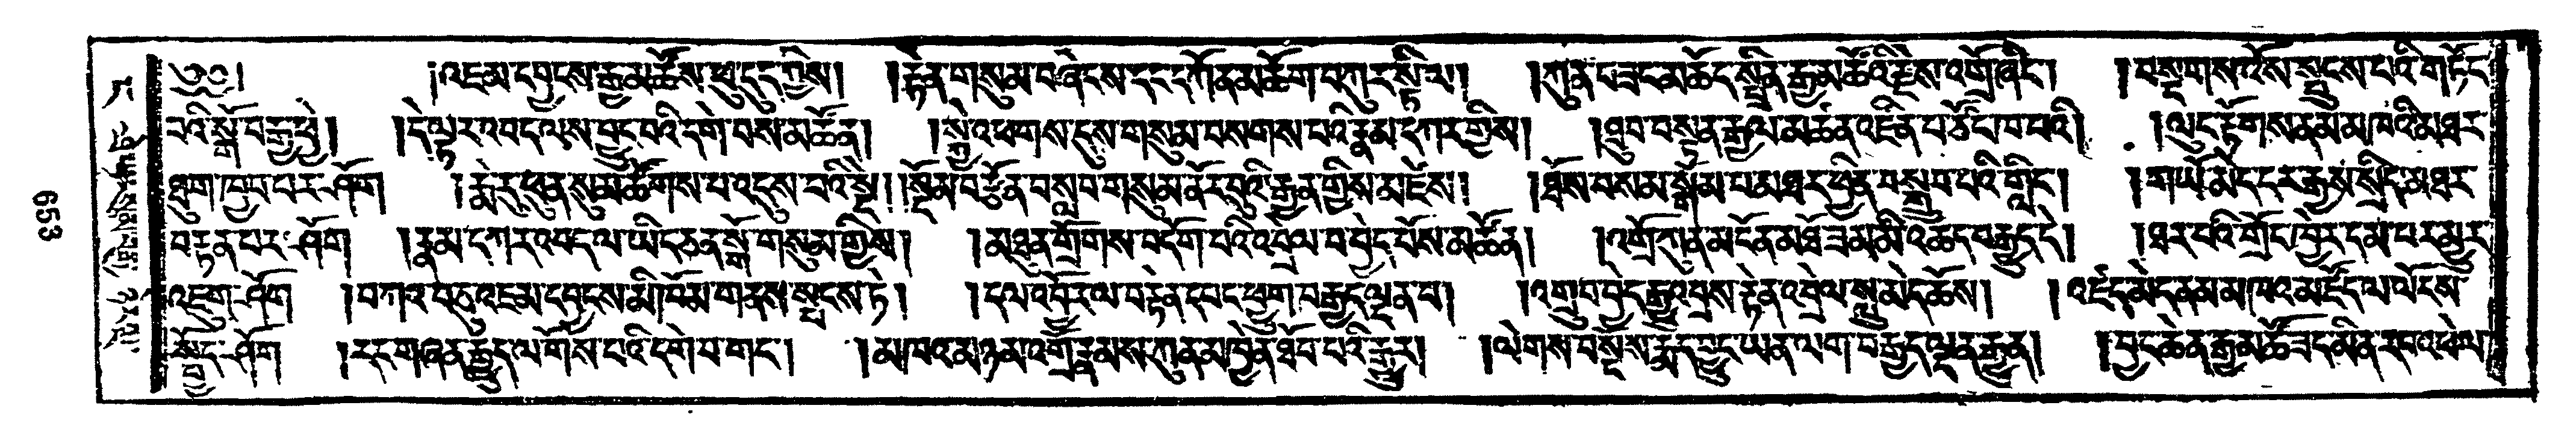༄༅། །འཇམ་དབྱངས་རྒྱ་མཚོས་ཕུ་དུད་ཀྱིས། །རྟེན་གསུམ་བཞེངས་དང་དཀོན་མཆོག་བཀུར་སྟི་ལ། །ཀུན་བཟང་མཆོད་སྤྲིན་རྒྱ་མཚོའི་རྗེས་འགྲོ་ཞིང་། །བསྔགས་འོས་སྤུངས་པའི་གཏོང་
བའི་སྒོ་བརྒྱ་ཕྱེ། །དེ་ལྟར་འབད་ལས་བྱུང་བའི་དགེ་བས་མཚོན། །སྐྱེ་འཕགས་དུས་གསུམ་བསགས་པའི་རྣམ་དཀར་གྱིས། །ཐུབ་བསྟན་རྒྱལ་མཚན་འཛིན་པ་ཙོང་ཁ་པའི། །ལུང་རྟོགས་ནམ་མཁའི་མཐར་
ཐུག་ཁྱབ་པར་ཤོག །རྨེ་རུ་ཕུན་སུམ་ཚོགས་པ་འདུས་པའི་སྡེ། །སྔོམ་བརྩོན་བསླབ་གསུམ་ནོར་བུའི་རྒྱན་གྱིས་མཛེས། །ཐོས་བསམ་སྒོམ་པ་མཐར་ཕྱིན་བསྒྲུབ་པའི་གླིང་། །གཡོ་མེད་དར་རྒྱས་སྲིད་མཐར་
བརྟན་པར་ཤོག །རྣམ་དཀར་འབད་ལ་ཡིད་ཅན་སྒོ་གསུམ་གྱིས། །མཐུན་གྲོགས་བདོག་པའི་འབྲེལ་བ་བྱེད་པོས་མཚོན། །འགྲོ་ཀུན་མངོན་མཐོ་ཟམ་མི་འཆད་བརྒྱུད་དེ། །ཐར་པའི་གྲོང་ཁྱེར་དམ་པར་མྱུར་
འཇུག་ཤོག །བཀའ་བཅུ་འཇམ་དབྱངས་མི་ཁོམ་གནས་སྤངས་ཏེ། །དལ་འབྱོར་ལ་བརྟེན་དབང་ཕྱུག་བརྒྱད་ལྡན་པ། །འགྲུབ་བྱེད་རྒྱུ་འབྲས་རྟེན་འབྲེལ་སླུ་མེད་ཆོས། །འཛད་མེད་ནམ་མཁའ་མཛོད་ལ་ལོངས་
སྤྱོད་ཤོག །རང་གཞན་རྒྱུད་ལ་གོས་པའི་དགེ་བ་གང་། །མཁའ་མཉམ་འགྲོ་རྣམས་ཀུན་མཁྱེན་ཐོབ་པའི་རྒྱུར། །ལེགས་བསྔོས་རྨད་བྱུང་ཡན་ལག་བརྒྱད་ལྡན་རྒྱུན། །བྱང་ཆེན་རྒྱ་མཚོ་ཟད་མིན་རབ་འཕེལ་